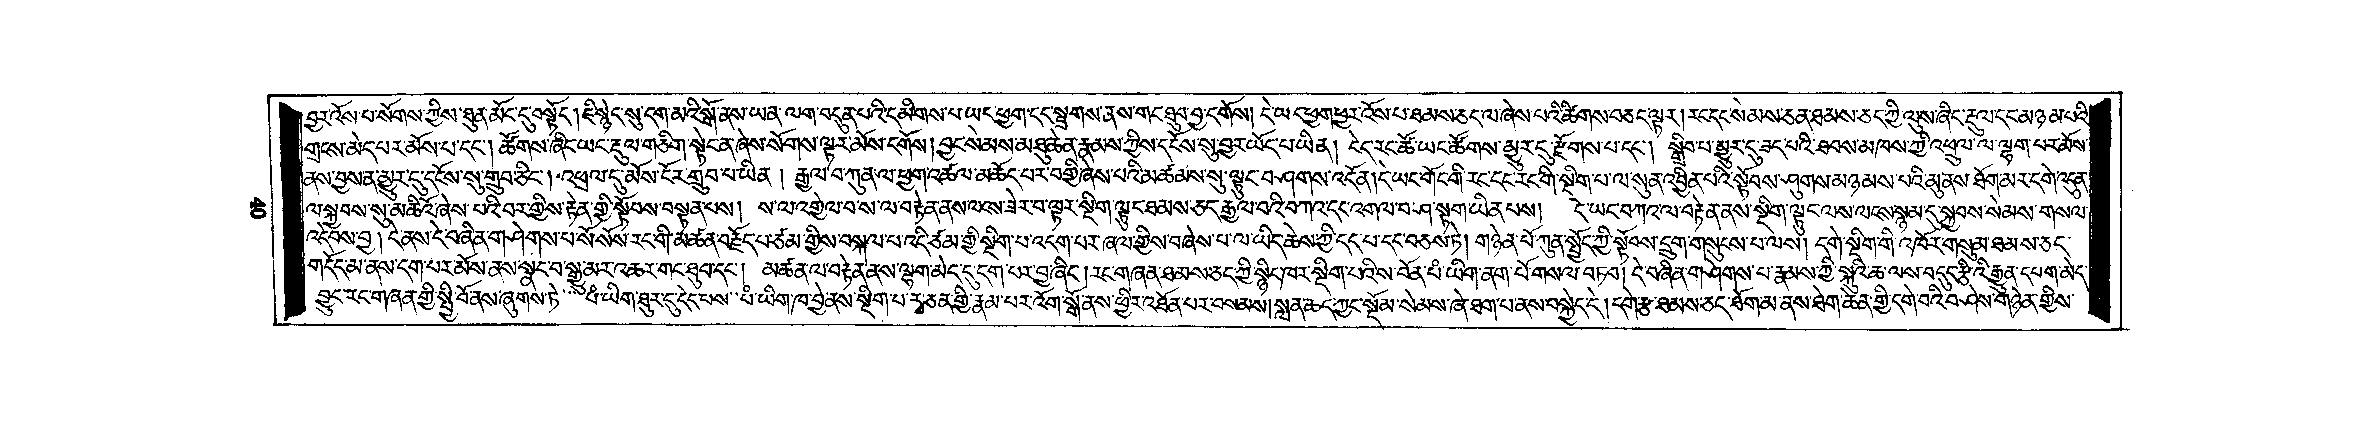བྱར་འོས་པ་སོགས་ཀྱིས་ཐུན་མོང་དུ་བསྟོད། ཇི་སྙེད་སུ་དག་མའི་སྒོ་ནས་ཡན་ལག་བདུན་པའི་དམིགས་པ་ཡང་ཕྱག་དང་སྦྲགས་ནས་གང་ཐུབ་བྱ་དགོས། དེ་ཡང་ཕྱག་ཕྱར་འོས་པ་ཐམས་ཅད་ལ་ཞེས་པའི་ཚིགས་བཅད་ལྟར། རང་དང་སེམས་ཅན་ཐམས་ཅད་ཀྱི་ལུས་ཞིང་རྡུལ་དང་མཉམ་པའི་
གྲངས་མེད་པར་མོས་པ་དང་། ཚོགས་ཞིང་ཡང་རྡུལ་གཅིག་སྟེང་ན་ཞེས་སོགས་ལྟར་མོས་དགོས། བྱང་སེམས་མཐུ་ཆེན་རྣམས་ཀྱིས་དངོས་སུ་བྱར་ཡོད་པ་ཡིན། ངེད་རང་ཚོ་ཡང་ཚོགས་མྱུར་དུ་རྫོགས་པ་དང་། སྒྲིབ་པ་མྱུར་དུ་ཟད་པའི་ཐབས་མཁས་ཀྱི་འཕྲུལ་ལ་ལྷག་པར་མོས་
ནས་བྱས་ན་མྱུར་དུ་དངོས་སུ་གྲུབ་ཅིང་། འཕྲལ་དུ་མོས་ངོར་གྲུབ་པ་ཡིན། རྒྱལ་བ་ཀུན་ལ་ཕྱག་འཚལ་མཆོད་པར་བགྱི་ཞེས་པའི་མཚམས་སུ་ལྟུང་བཤགས་འདོན། དེ་ཡང་གོང་གི་རང་དང་རང་གི་སྡིག་པ་ལ་སུན་འབྱིན་པའི་སྟོབས་ཤུགས་མཉམས་པའི་མུ་ནས་ཐོག་མར་དགེ་འདུན་
ལ་སྐྱབས་སུ་མཆིའོ་ཞེས་པའི་བར་གྱིས་རྟེན་གྱི་སྟོབས་བསྟན་པས། ས་ལ་འགྱེལ་བ་ས་ལ་བརྟེན་ནས་ལངས་ཟེར་བ་ལྟར་སྡིག་ལྟུང་ཐམས་ཅད་རྒྱལ་བའི་བཀའ་དང་འགལ་བ་ཤ་སྟག་ཡིན་པས། དེ་ཡང་བཀའ་ལ་བརྟེན་ནས་སྡིག་ལྟུང་ལས་ལངས་སྙམ་དུ་སྐྱབས་སེམས་གསལ་
འདེབས་བྱ། དེ་ནས་དེ་བཞིན་གཤེགས་པ་སོ་སོས་རང་གི་མཚན་བརྗོད་པ་ཙམ་གྱིས་བསྐལ་པ་འདི་ཙམ་གྱི་སྡིག་པ་འདག་པར་ཞལ་གྱིས་བཞེས་པ་ལ་ཡིད་ཆེས་ཀྱི་དད་པ་དང་བཅས་ཏེ། གཉེན་པོ་ཀུན་སྤྱོད་ཀྱི་སྟོབས་དྲུག་གསུངས་པ་ལས། དགེ་སྡིག་གི་འཁོར་གསུམ་ཐམས་ཅད་
གདོད་མ་ནས་དག་པར་མོས་ནས་སྣང་བ་སྒྱུ་མར་འཆར་གང་ཐུབ་དང་། མཚན་ལ་བརྟེན་ནས་ལྷག་མེད་དུ་དག་པར་བྱ་ཞིང་། རང་གཞན་ཐམས་ཅད་ཀྱི་སྙིང་ཁར་སྡིག་པའི་ས་བོན་པཾ་ཡིག་ནག་པོ་གསལ་བཏབ། དེ་བཞིན་གཤེགས་པ་རྣམས་ཀྱི་སྐུའི་ཆ་ལས་བདུད་རྩིའི་རྒྱུན་དཔག་མེད་
བྱུང་རང་གཞན་གྱི་སྤྱི་བོ་ནས་ཞུགས་ཏེ་པཾ་ཡིག་ཐུར་དུ་དེད་པས་པཾ་ཡིག་ཁ་བྱེ་ནས་སྡིག་པ་རྭ་ཅན་གྱི་རྣམ་པར་འོག་སྒོ་ནས་ཕྱིར་འཐོན་པར་བསམས། སླན་ཆད་ཀྱང་སྡོམ་སེམས་ཞེ་ཐག་པ་ནས་བསྐྱེད་དེ། དགེ་རྩ་ཐམས་ཅད་ཐོག་མ་ནས་ཐེག་ཆེན་གྱི་དགེ་བའི་བཤེས་གཉེན་གྱིས་